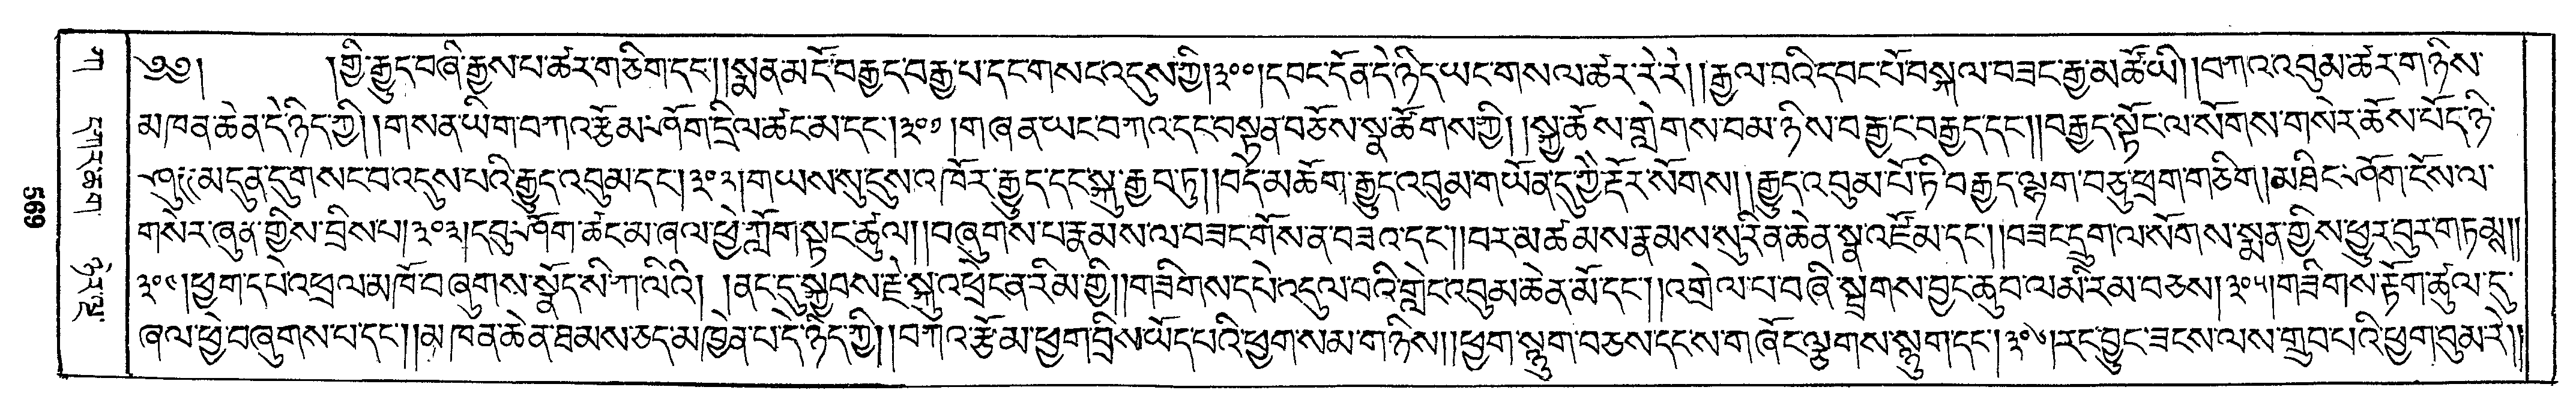༄༅། །གྱི་རྒྱུད་བཞི་རྒྱས་པ་ཚར་གཅིག་དང་། །སྨན་མདོ་བརྒྱད་བརྒྱ་པ་དང་གསང་འདུས་ཀྱི། ༣༠༠། དབང་དོན་དེ་ཉིད་ཡང་གསལ་ཚར་རེ་རེ། །རྒྱལ་བའི་དབང་པོ་བསྐལ་བཟང་རྒྱ་མཚོ་ཡི། །བཀའ་འབྲུམ་ཚར་གཉིས་
མཁན་ཆེན་དེ་ཉིད་ཀྱི། །གསན་ཡིག་བཀའ་རྩོམ་ཤོག་དྲིལ་ཚང་མ་དང་། ༣༠༡་།གཞན་ཡང་བཀའ་དང་བསྟན་བཅོས་སྣ་ཚོགས་ཀྱི། །སྐྱ་ཆོས་གླེགས་བམ་ཉིས་བརྒྱད་བརྒྱད་དང་། །བརྒྱད་སྟོང་ལ་སོགས་གསེར་ཆོས་བོད་ཉི་
ཤུ༑ ༑མདུན་དུ་གསང་བ་འདུས་པའི་རྒྱུད་འབུམ་དང་། ༣༠༢་།གཡས་སུ་དུས་འཁོར་རྒྱུད་དང་སྐུ་རྒྱབ་ཏུ། །བདེ་མཆོག་རྒྱུད་འབུམ་གཡོན་དུ་ཀྱཻ་རྡོར་སོགས། །རྒྱུད་འབུམ་པོ་ཏི་བརྒྱད་ལྷག་བཅུ་ཕྲག་གཅིག །མཐིང་ཤོག་ངོས་ལ་
གསེར་ཞུན་གྱིས་བྲིས་པ། ༣༠༣་།དབུ་ཤོག་ཚང་མ་ཞལ་ཕྱེ་ཀློག་སྟང་ཚུལ། །བཞུགས་པ་རྣམས་ལ་བཟང་གོས་ན་བཟའ་དང་། །བར་མཚམས་རྣམས་སུ་རིན་ཆེན་སྣ་འཛོམ་དང་། །བཟང་དྲུག་ལ་སོགས་སྨན་གྱིས་ཕྱུར་བུར་གཏམས།
༣༠༤་།ཕྱག་དཔེ་འཕྲལ་མཁོ་བཞུགས་སྣོད་སི་ཀ་ལིའི། །ནང་དུ་སྐྱབས་རྗེ་སྐུ་འཕྲེང་ན་རིམ་གྱི། །གཟིགས་དཔེ་འདུལ་བའི་གླེང་འབུམ་ཆེན་མོ་དང་། །འགྲེལ་པ་བཞི་སྦྲགས་བྱང་ཆུབ་ལམ་རིམ་བཅས། ༣༠༥་།གཟིགས་རྟོག་ཚུལ་དུ་
ཞལ་ཕྱེ་བཞུགས་པ་དང་། །མཁན་ཆེན་ཐམས་ཅད་མཁྱེན་པ་དེ་ཉིད་ཀྱི། །བཀའ་རྩོམ་ཕྱག་བྲིས་ཡོད་པའི་ཕྱག་སམ་གཉིས། །ཕྱག་སྙུག་བཅས་དང་ས་གཞོང་ལྕགས་སྙུག་དང་། ༣༠༦་།རང་བྱུང་ཟངས་ལས་གྲུབ་པའི་ཕྱག་བུ་མ་རེ།